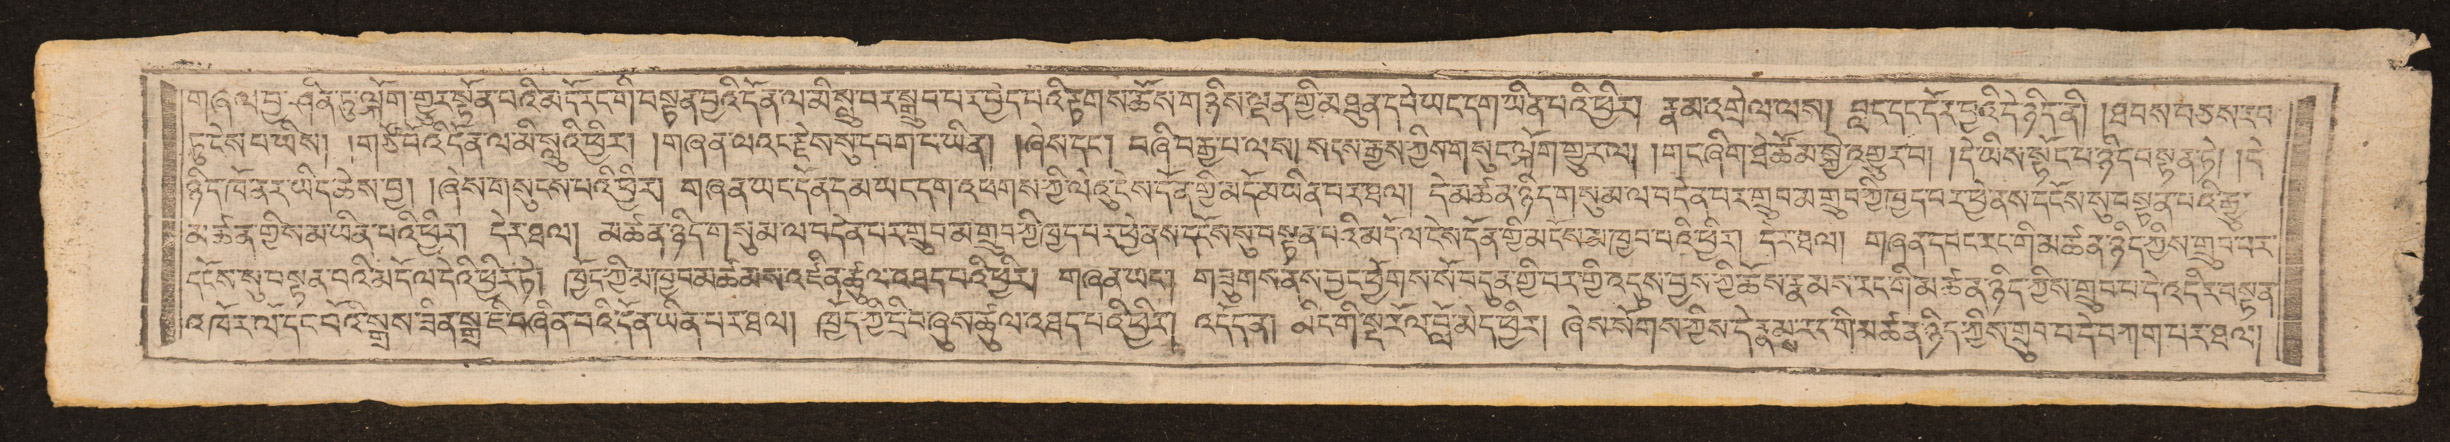གཞལ་བྱ་ཤིན་ཏུ་ལྐོག་གྱུར་སྟོན་པའི་མདོ་རང་གི་བསྟན་བྱའི་དོན་ལ་མི་སླུ་བར་སྒྲུབ་པར་བྱེད་པའི་རྟགས་ཆོས་གཉིས་ལྡན་གྱི་མཐུན་དཔེ་ཡང་དག་ཡིན་པའི་ཕྱིར། རྣམ་འགྲེལ་ལས། བླང་དང་དོར་བྱའི་དེ་ཉིད་ནི། །ཐབས་བཅས་རབ་
ཏུ་ངེས་པ་ཡིས། །གཙོ་བོའི་དོན་ལ་མི་སླུའི་ཕྱིར། །གཞན་ལའང་རྗེས་སུ་དཔག་པ་ཡིན། །ཞེས་དང་། བཞི་བརྒྱ་བ་ལས། སངས་རྒྱས་ཀྱིས་གསུང་ལྐོག་གྱུར་ལ། །གང་ཞིག་ཐེ་ཚོམ་སྐྱེ་འགྱུར་བ། །དེ་ཡིས་སྟོང་པ་ཉིད་བསྟན་ཏེ། །དེ་
ཉིད་ཁོ་ནར་ཡིད་ཆེས་བྱ། །ཞེས་གསུངས་པའི་ཕྱིར། གཞན་ཡང་དོན་དམ་ཡང་དག་འཕགས་ཀྱི་ལེའུ་ངེས་དོན་གྱི་མདོ་མ་ཡིན་པར་ཐལ། དེ་མཚན་ཉིད་གསུམ་ལ་བདེན་པར་གྲུབ་མ་གྲུབ་ཀྱི་ཁྱད་པར་ཕྱེ་ནས་དངོས་སུ་བསྟན་པའི་རྒྱུ་
མཚན་གྱིས་མ་ཡིན་པའི་ཕྱིར། དེར་ཐལ། མཚན་ཉིད་གསུམ་ལ་བདེན་པར་གྲུབ་མ་གྲུབ་ཀྱི་ཁྱད་པར་ཕྱེ་ནས་དངོས་སུ་བསྟན་པའི་མདོ་ལ་ངེས་དོན་གྱི་མངོས་མ་ཁྱབ་པའི་ཕྱིར། དེར་ཐལ། གཞན་དབང་རང་གི་མཚན་ཉིད་ཀྱིས་གྲུབ་པར་
དངོས་སུ་བསྟན་པའི་མདོ་ལ་དེའི་ཕྱིར་ཏེ། ཁྱོད་ཀྱི་མ་ཁྱབ་མཚམས་འཛིན་ཚུལ་འཐད་པའི་ཕྱིར། གཞན་ཡང་། གཟུགས་ནས་བྱང་ཕྱོགས་སོ་བདུན་གྱི་བར་གྱི་འདུས་བྱས་ཀྱི་ཆོས་རྣམས་རང་གི་མཚན་ཉིད་ཀྱིས་གྲུབ་པ་དེ་འདིར་བསྟན་
འཁོར་ལོ་དང་པོའི་སྒྲས་ཟིན་སྒྲ་ཇི་བཞིན་པའི་དོན་ཡིན་པར་ཐལ། ཁྱོད་ཀྱི་དྲི་བ་ཞུས་ཚུལ་འཐད་པའི་ཕྱིར། འདོད་ན། མིང་གི་སྔ་རོལ་བློ་མེད་ཕྱིར། ཞེས་སོགས་ཀྱིས་དེ་རྣམས་རང་གི་མཚན་ཉིད་ཀྱིས་གྲུབ་པ་དེ་བཀག་པར་ཐལ།